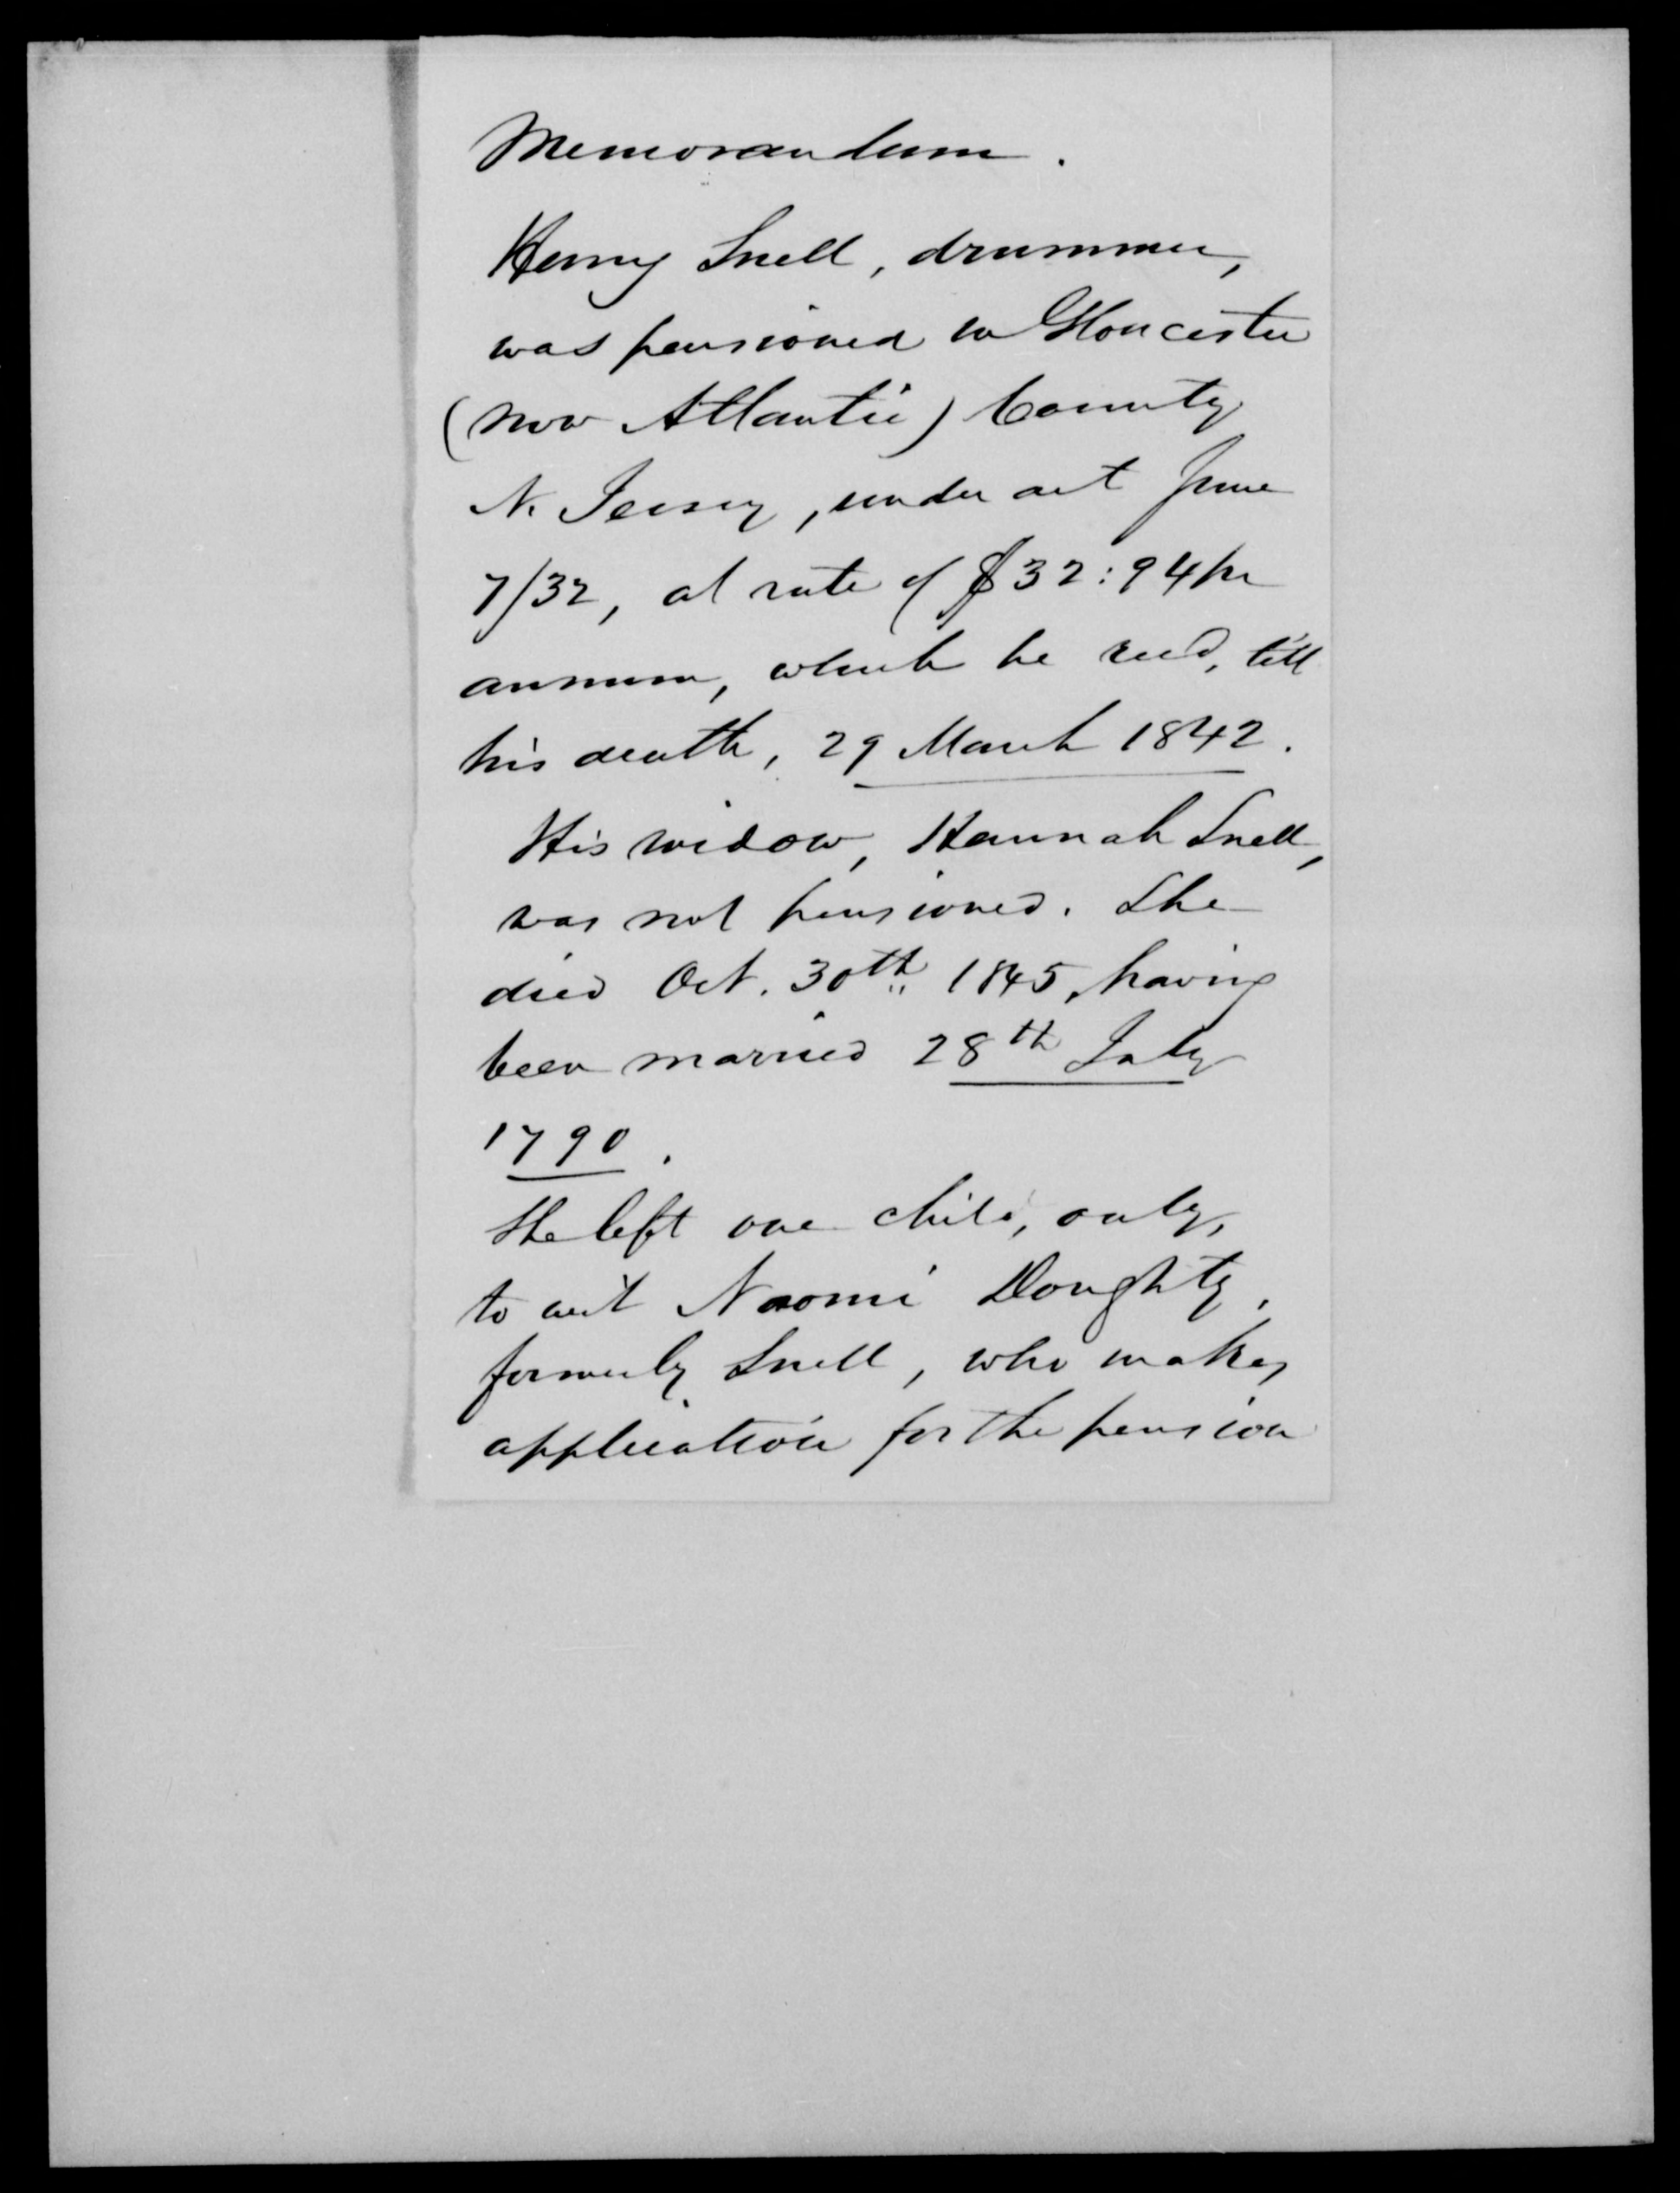Memorandum

Henry Snell, drummer, was pensioned in Gloucester (now Atlantic) County N, Jersey under act June 7/32, at rate of $32:94 per annum, which he recd till his death , 29 March 1842.

His widow, Hannah Snell, was not pensioned.  She died Oct 30th 1845 having married 28th July 1790.

She left one child only, to wit Naomi Doughty, formally Snell, who makes application for the pension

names: Hannah Snell; Henry Snell; Naomi Doughty; [BLANK] Snell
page: 23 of 27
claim: rejected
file: R. 9,892, for Henry Snell, New Jersey